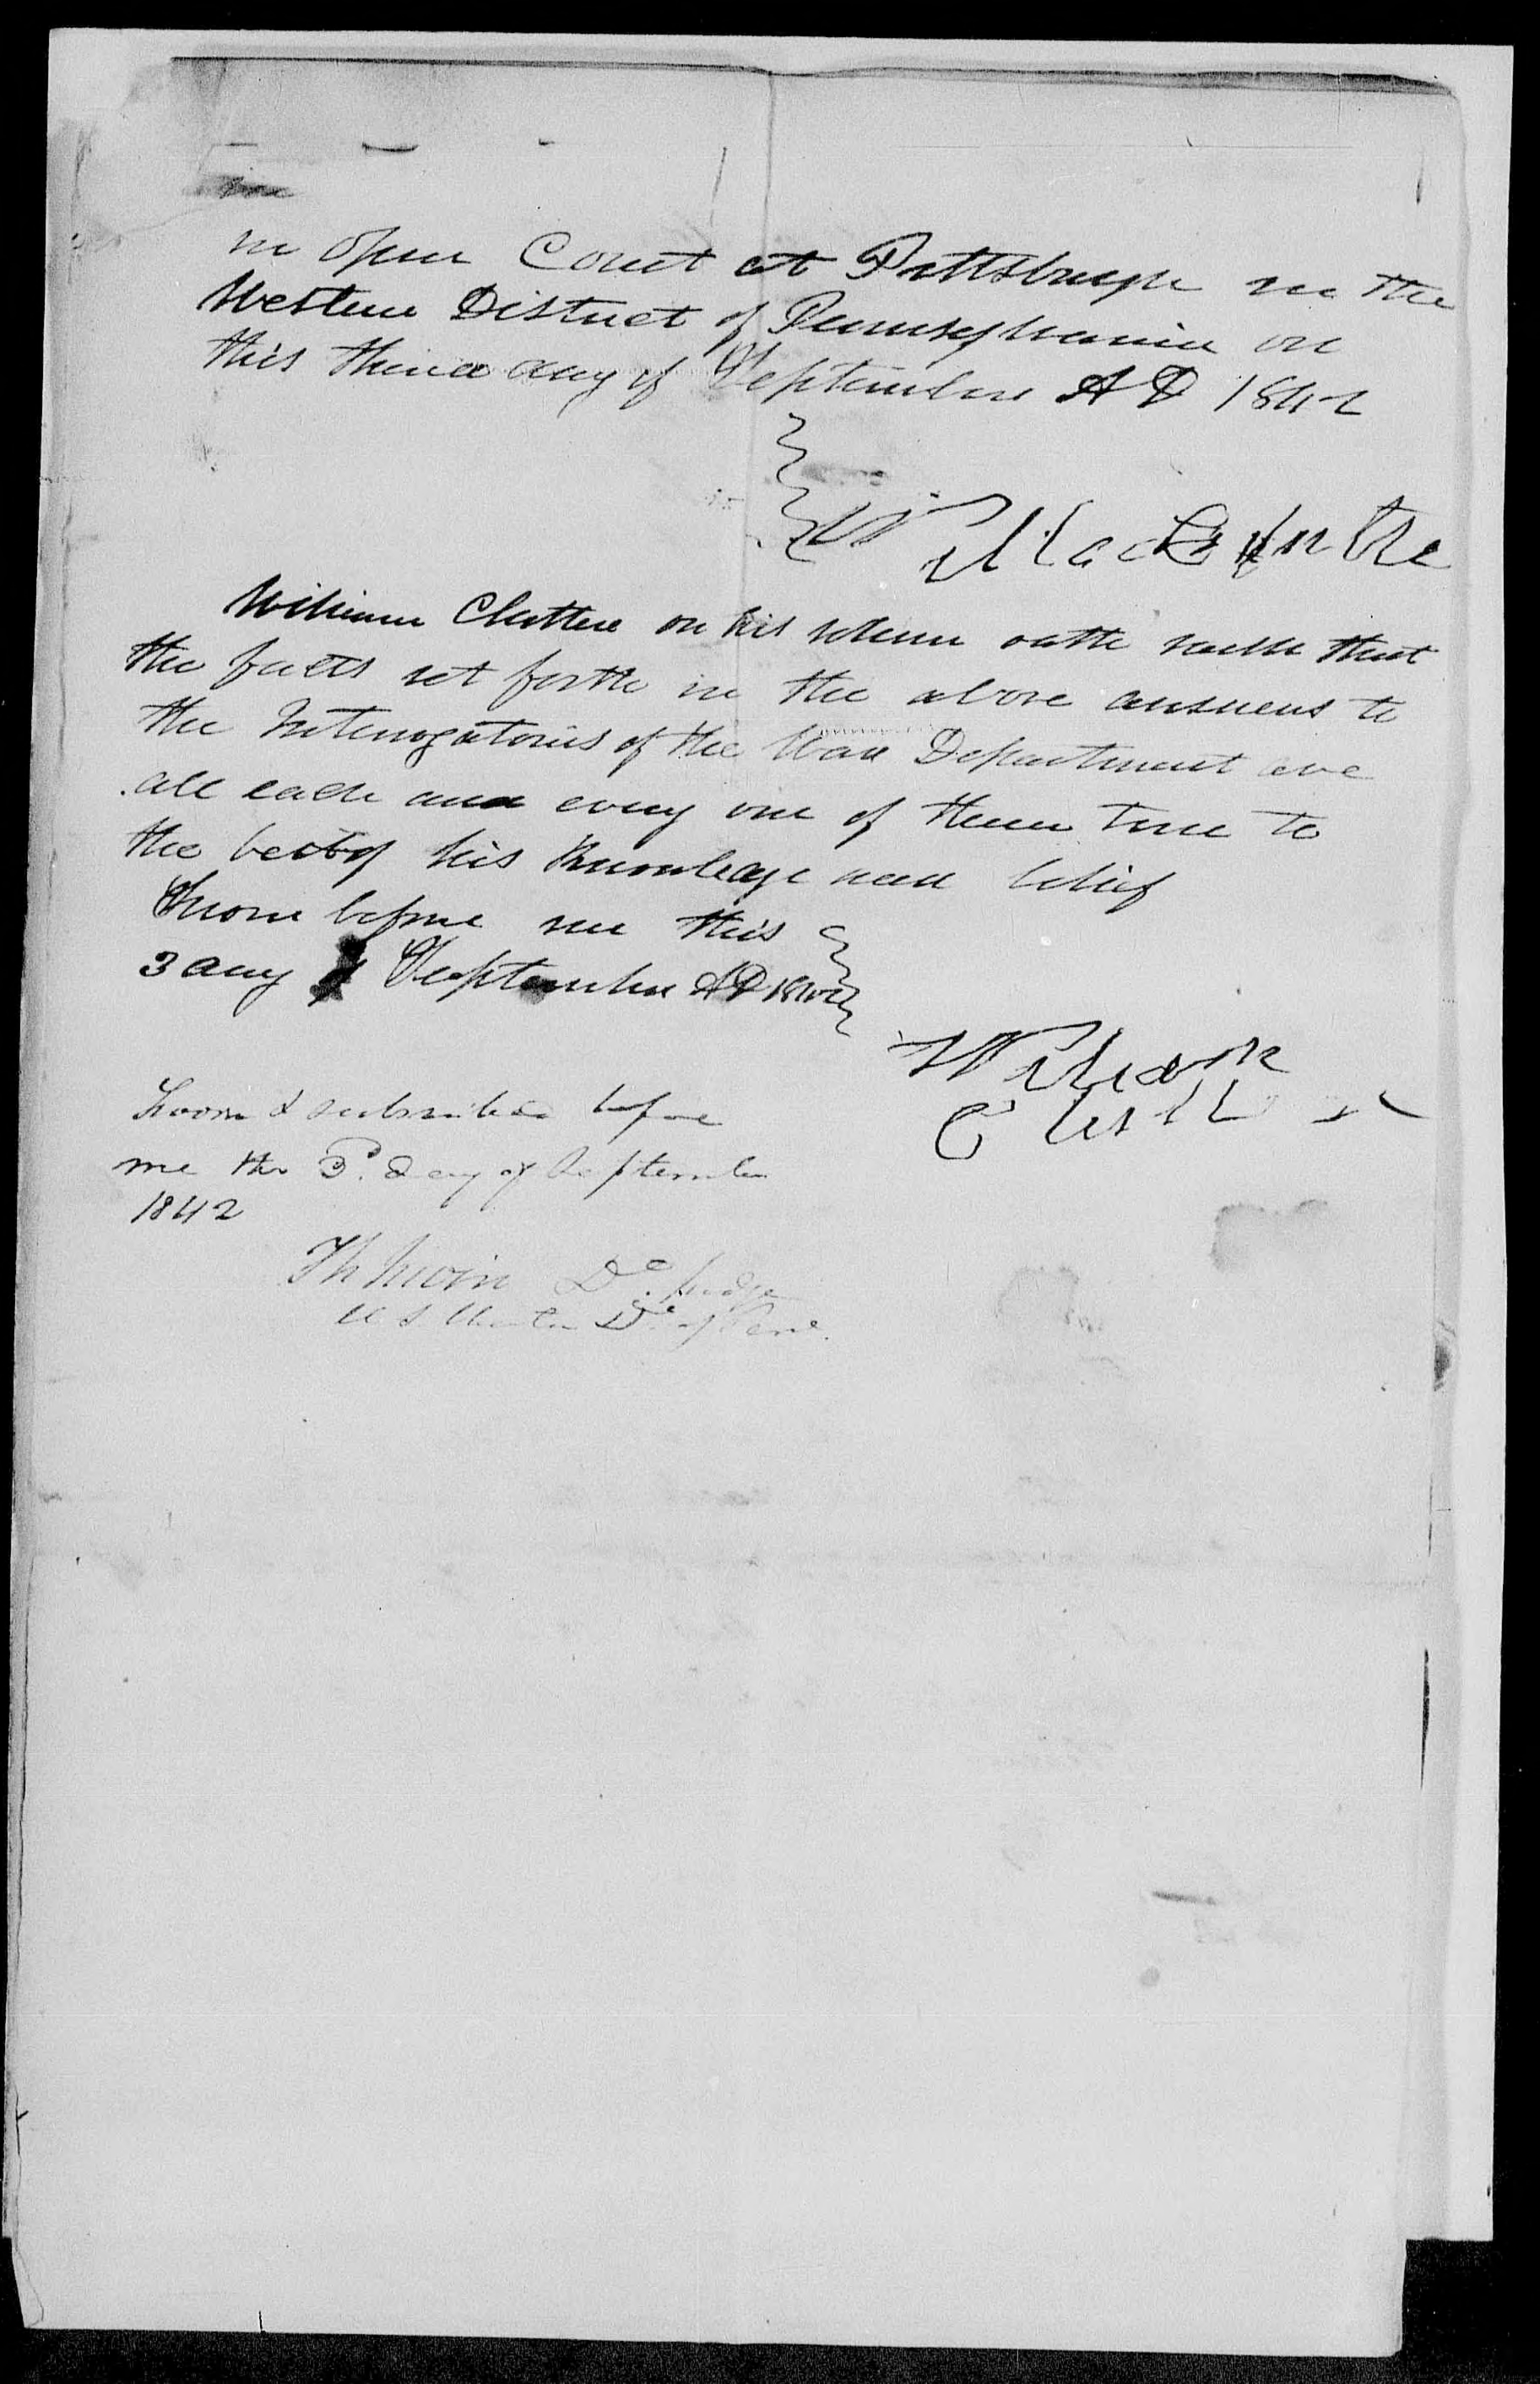in open court at Pittsburgh in the Western District of Pennsylvania on this third day of September AD 1842
William Clutter

William Clutter on his solemn oath saith that the facts set forth in the above answers to the Interrogatories of the War Department are all each and every one of them true to the best of his knowledge and belief.  
Sworn before me this 3rd day of September 1842

Th Irwin 2nd Judge
US Western Dist of Penn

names: Willia Cluter, William Clutter, Wiliam Clutter, Th Irwin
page: 30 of 35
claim: rejected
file: R. 2066, William Clutter, New Jersey